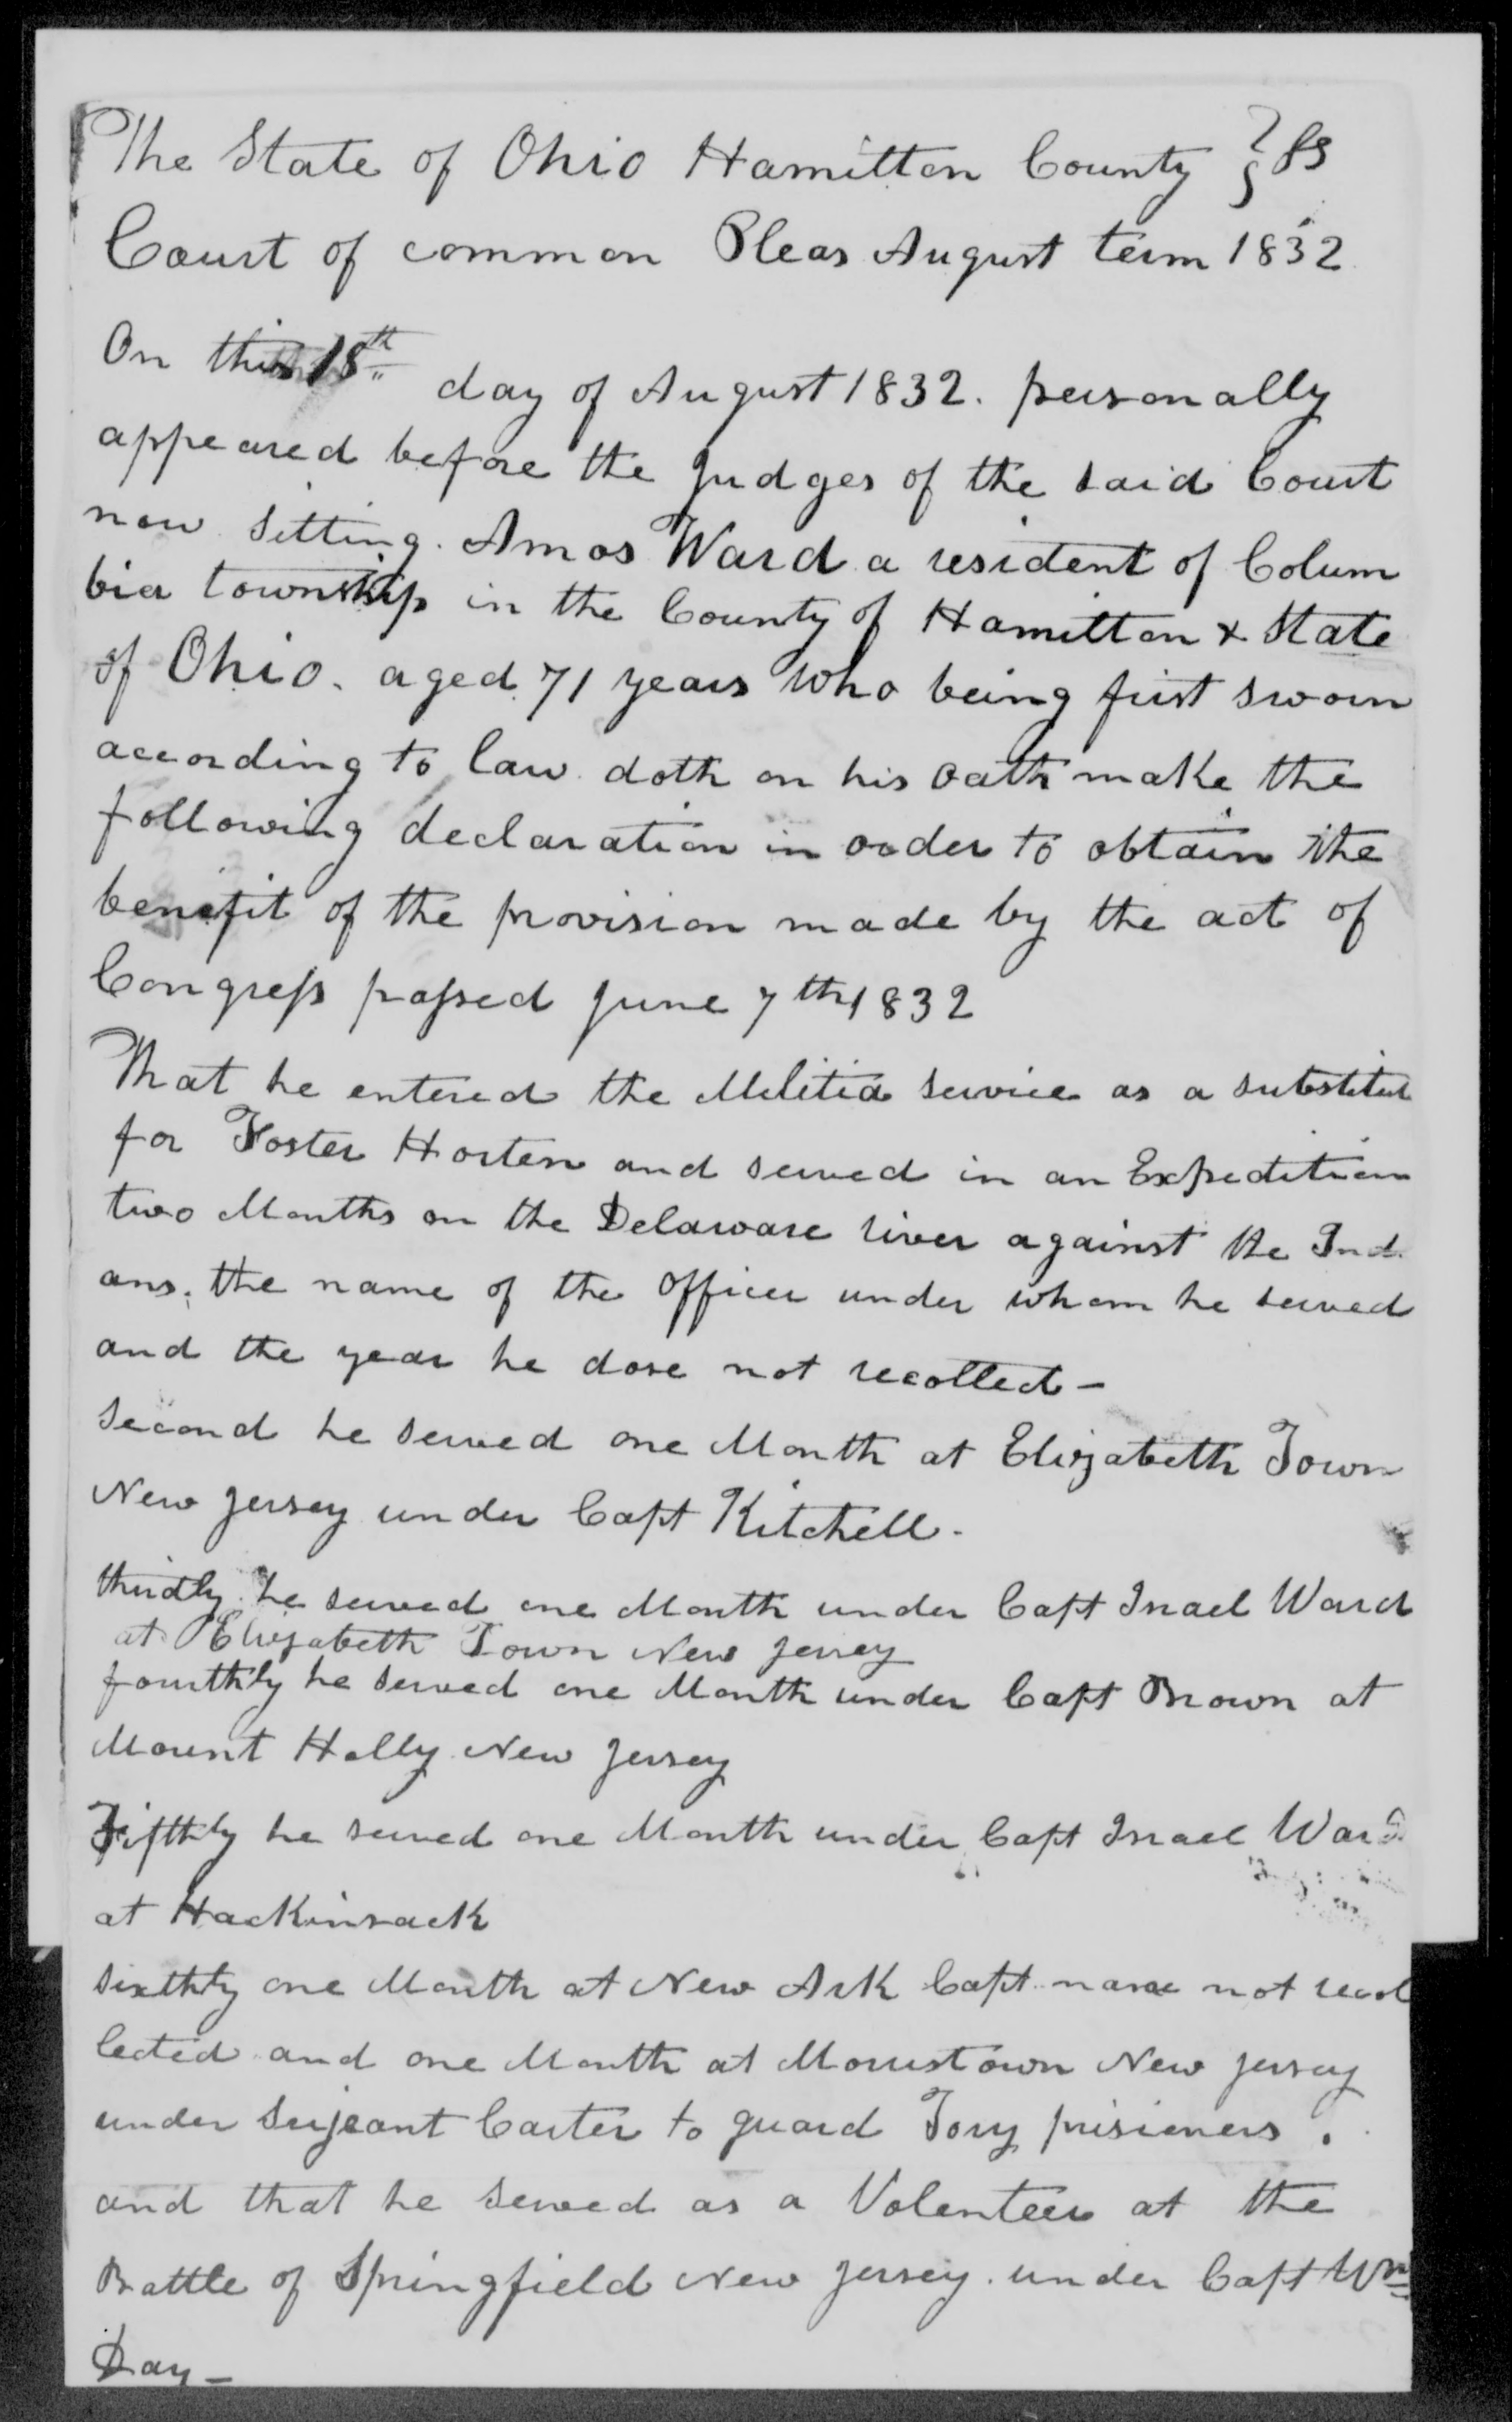The State of Ohio Hamilton County } SS 
Court of Common Pleas August Term 1832 

On the 18th day of August 1832. personally appeared before the Judges of the said Court now Sitting. Amos Ward a resident of Columbia township in the County of Hamilton & State of Ohio, aged 71 years who being first sworn according to law doth on his oath make the following declaration in order to obtain the benefit of the provision made by the act of Congress passed June 7th 1832 
That he entered the Militia Service as a substitute for Foster Horten and served in an Expedition two months on the Delaware river against the Indians. the name of the officer under whom he served and the year he dose not recollect -- 
Second he served one Month at Elizabeth Town New Jersey under Capt Kitchell. 
thirdly he served one Month under Capt Israel Ward at Elizabeth Town New Jersey 
fourthly he served one Month under Capt Brown at Mount Holly New Jersey 
Fifthly he served one Month under Capt Israel Ward . at Hackensack 
Sixthly one Month at New Ark Capt name not recollected and one month at Morristown New Jersey under Sergeant Carter to guard Tory prisioners and that he Served as a Volenteer at the Battle of Springfield New Jersey under Capt Wm Day __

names: Brown, Israel Ward, Kitchell, Foster Horten, Israel Ward, Carter, Amos Ward, Wm Day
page: 5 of 18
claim: survivor's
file: S. 4718, Amos Ward, New Jersey